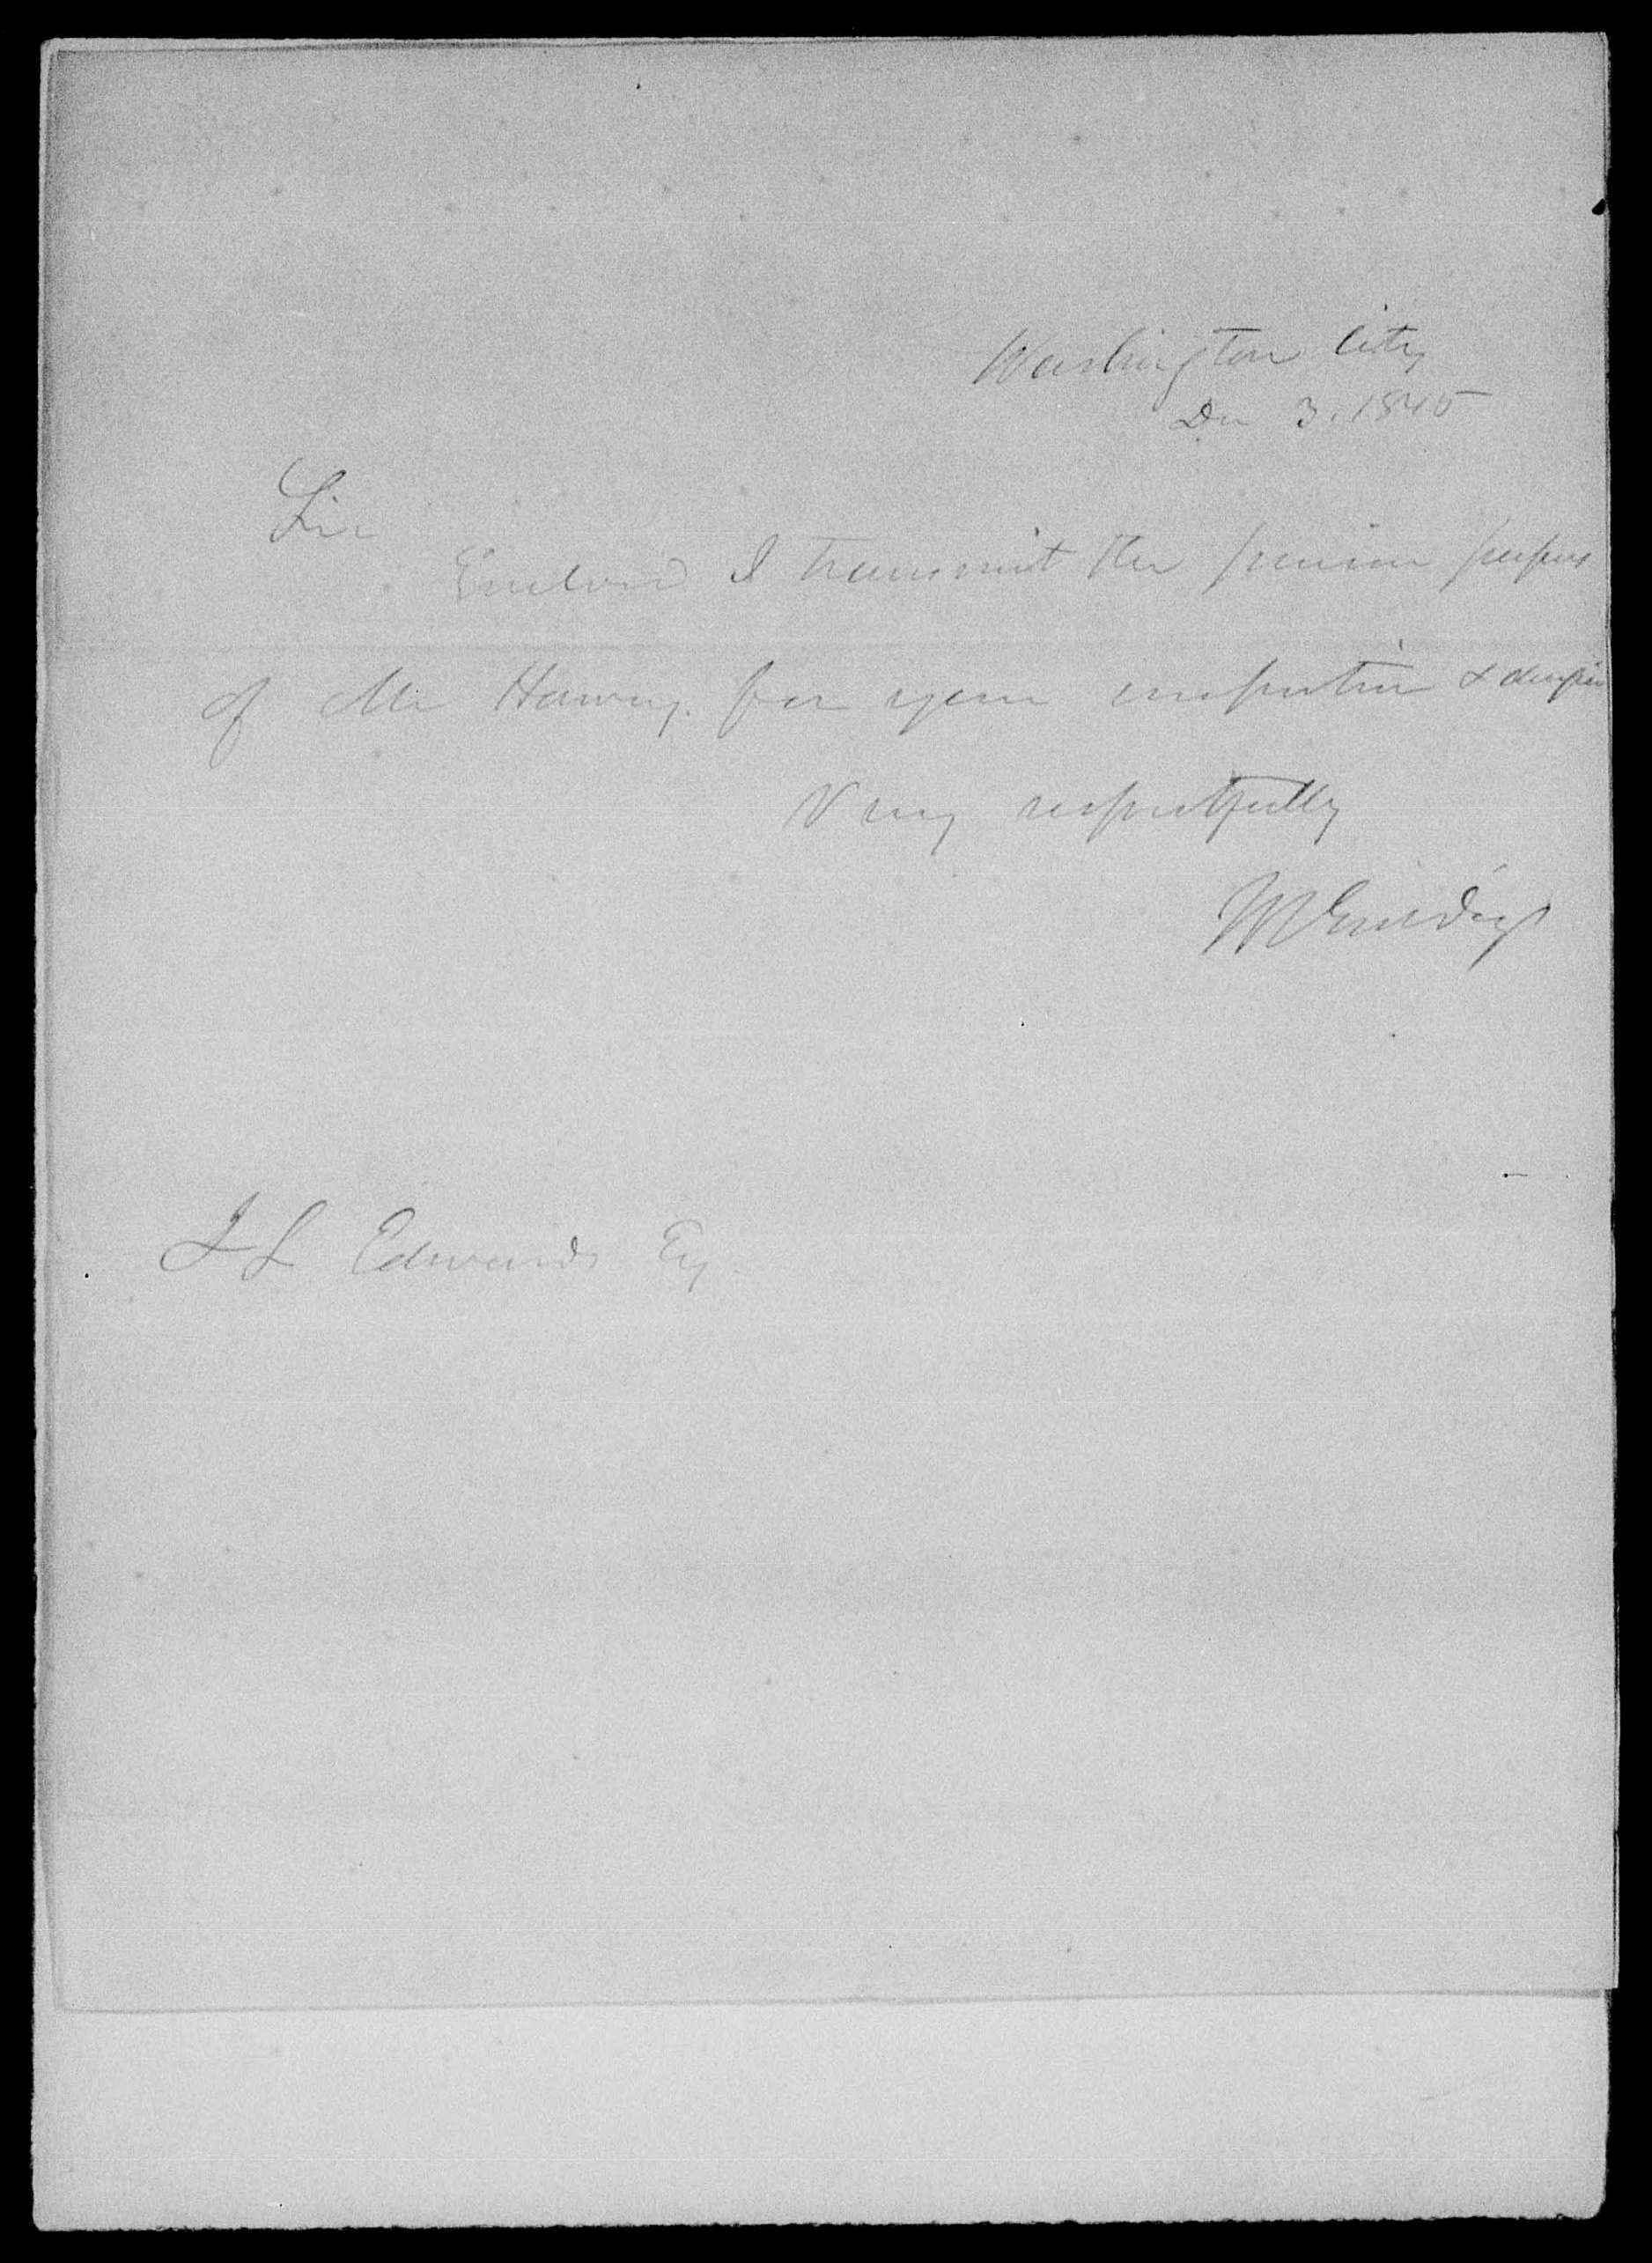[handwritten letter]
Washington 
Dec 3, 1845

Sir
Enclosed I transmit the pension papers of Mr. Harvey for your inspection & disposition
Very respectfully
/s/J. R. Giddings
J. L. Edwards Esq.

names: J R Giddigs, Harvey, J L Edwards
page: 42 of 80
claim: survivor's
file: S. 18008, Thomas Harvey, N.H.